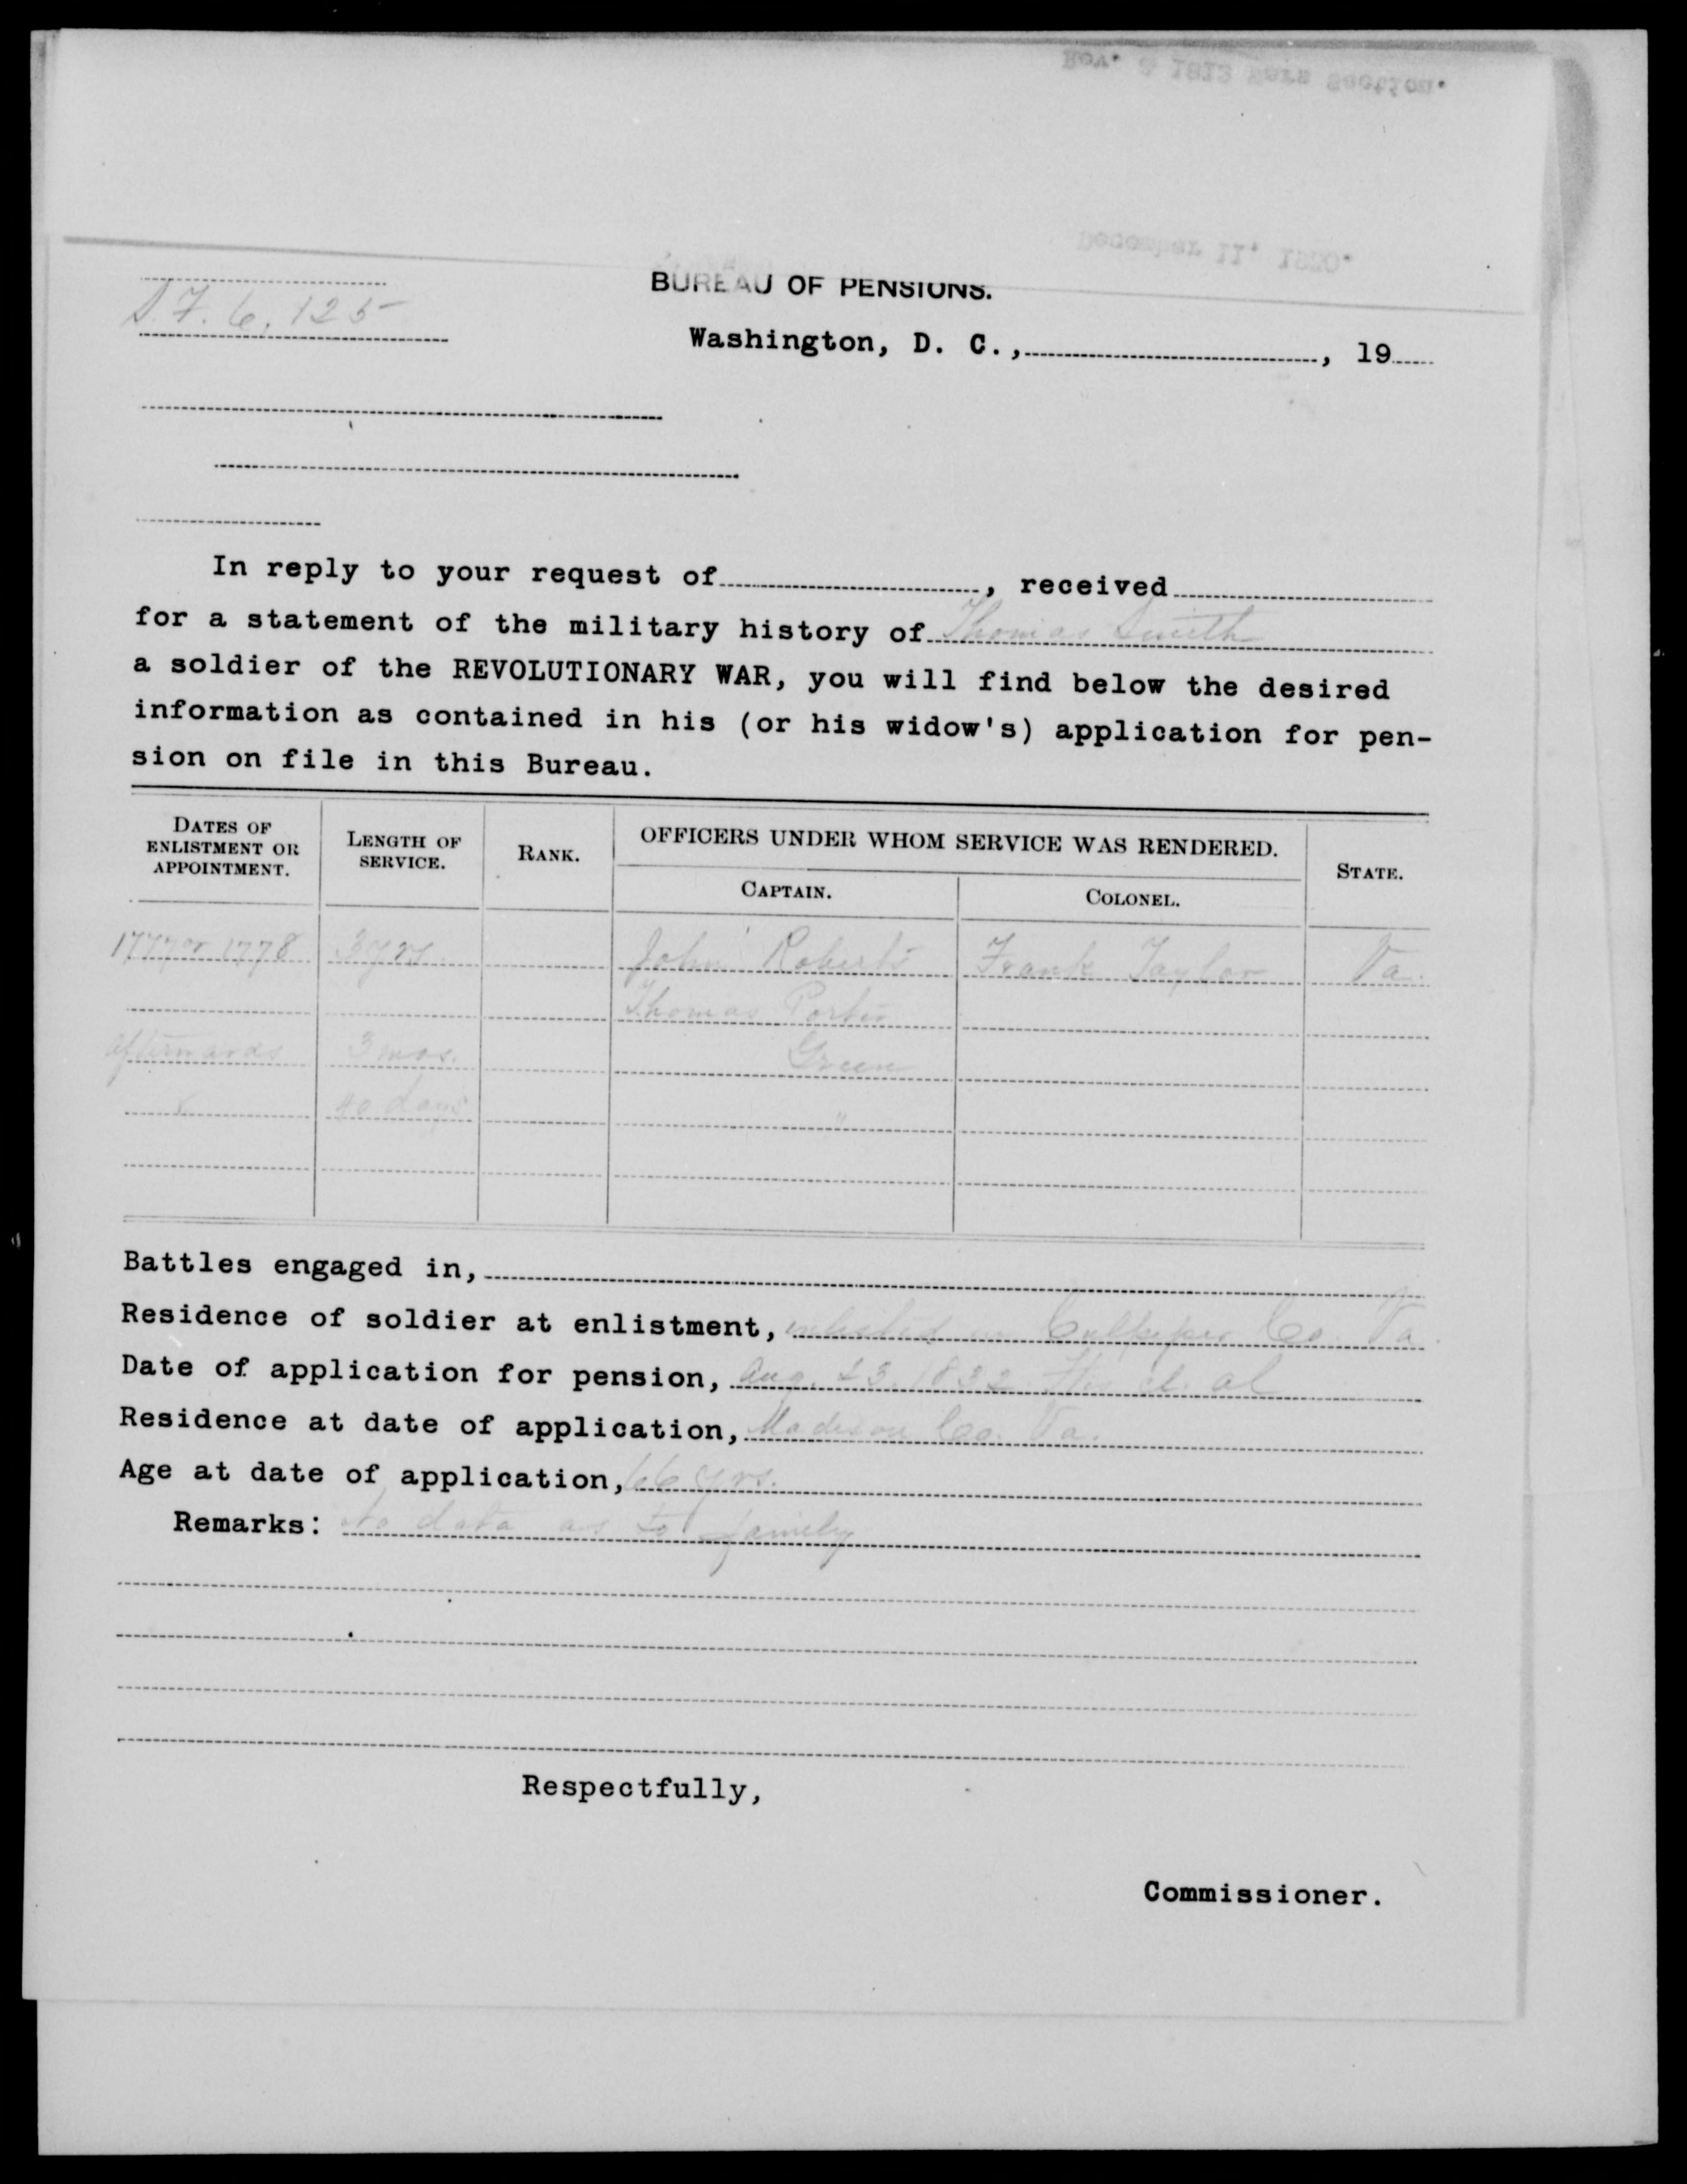S.F. 6,125- BUREAU OF PENSIONS. Washington, D. C. --- - --- 19 
In reply to your request of received for a statement of the military history of Thomas Smith soldier of the REVOLUTIONARY WAR, you will find below the desired formation as contained in his (or his widow's) application for pension on file in this Bureau. DATES OF ENLISTMENT OR APPOINTMENT. 1777- 1778. 3 years Afterwards 3 years 40 days RANK. OFFICERS UNDER WHOM SERVICE WAS RENDERED. CAPTAIN. John Roberts, Thomas Porter, Green COLONEL. Frank Taylor  STATE. Va
Battles engaged in, Residence of soldier at enlistment, enlisted in Culpeper Co Va. Date of application for pension, Aug. 23, 1832. Residence at date of application, Madison Co. Age at date of application, 66 years Remarks: No data as to family
Respectfully, Commissioner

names: John Roberts; Frank Taylor; Thomas Porter; Thomas Smith; [BLANK] Green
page: 9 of 23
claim: survivor's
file: S. 6,125, for Thomas Smith, Virginia